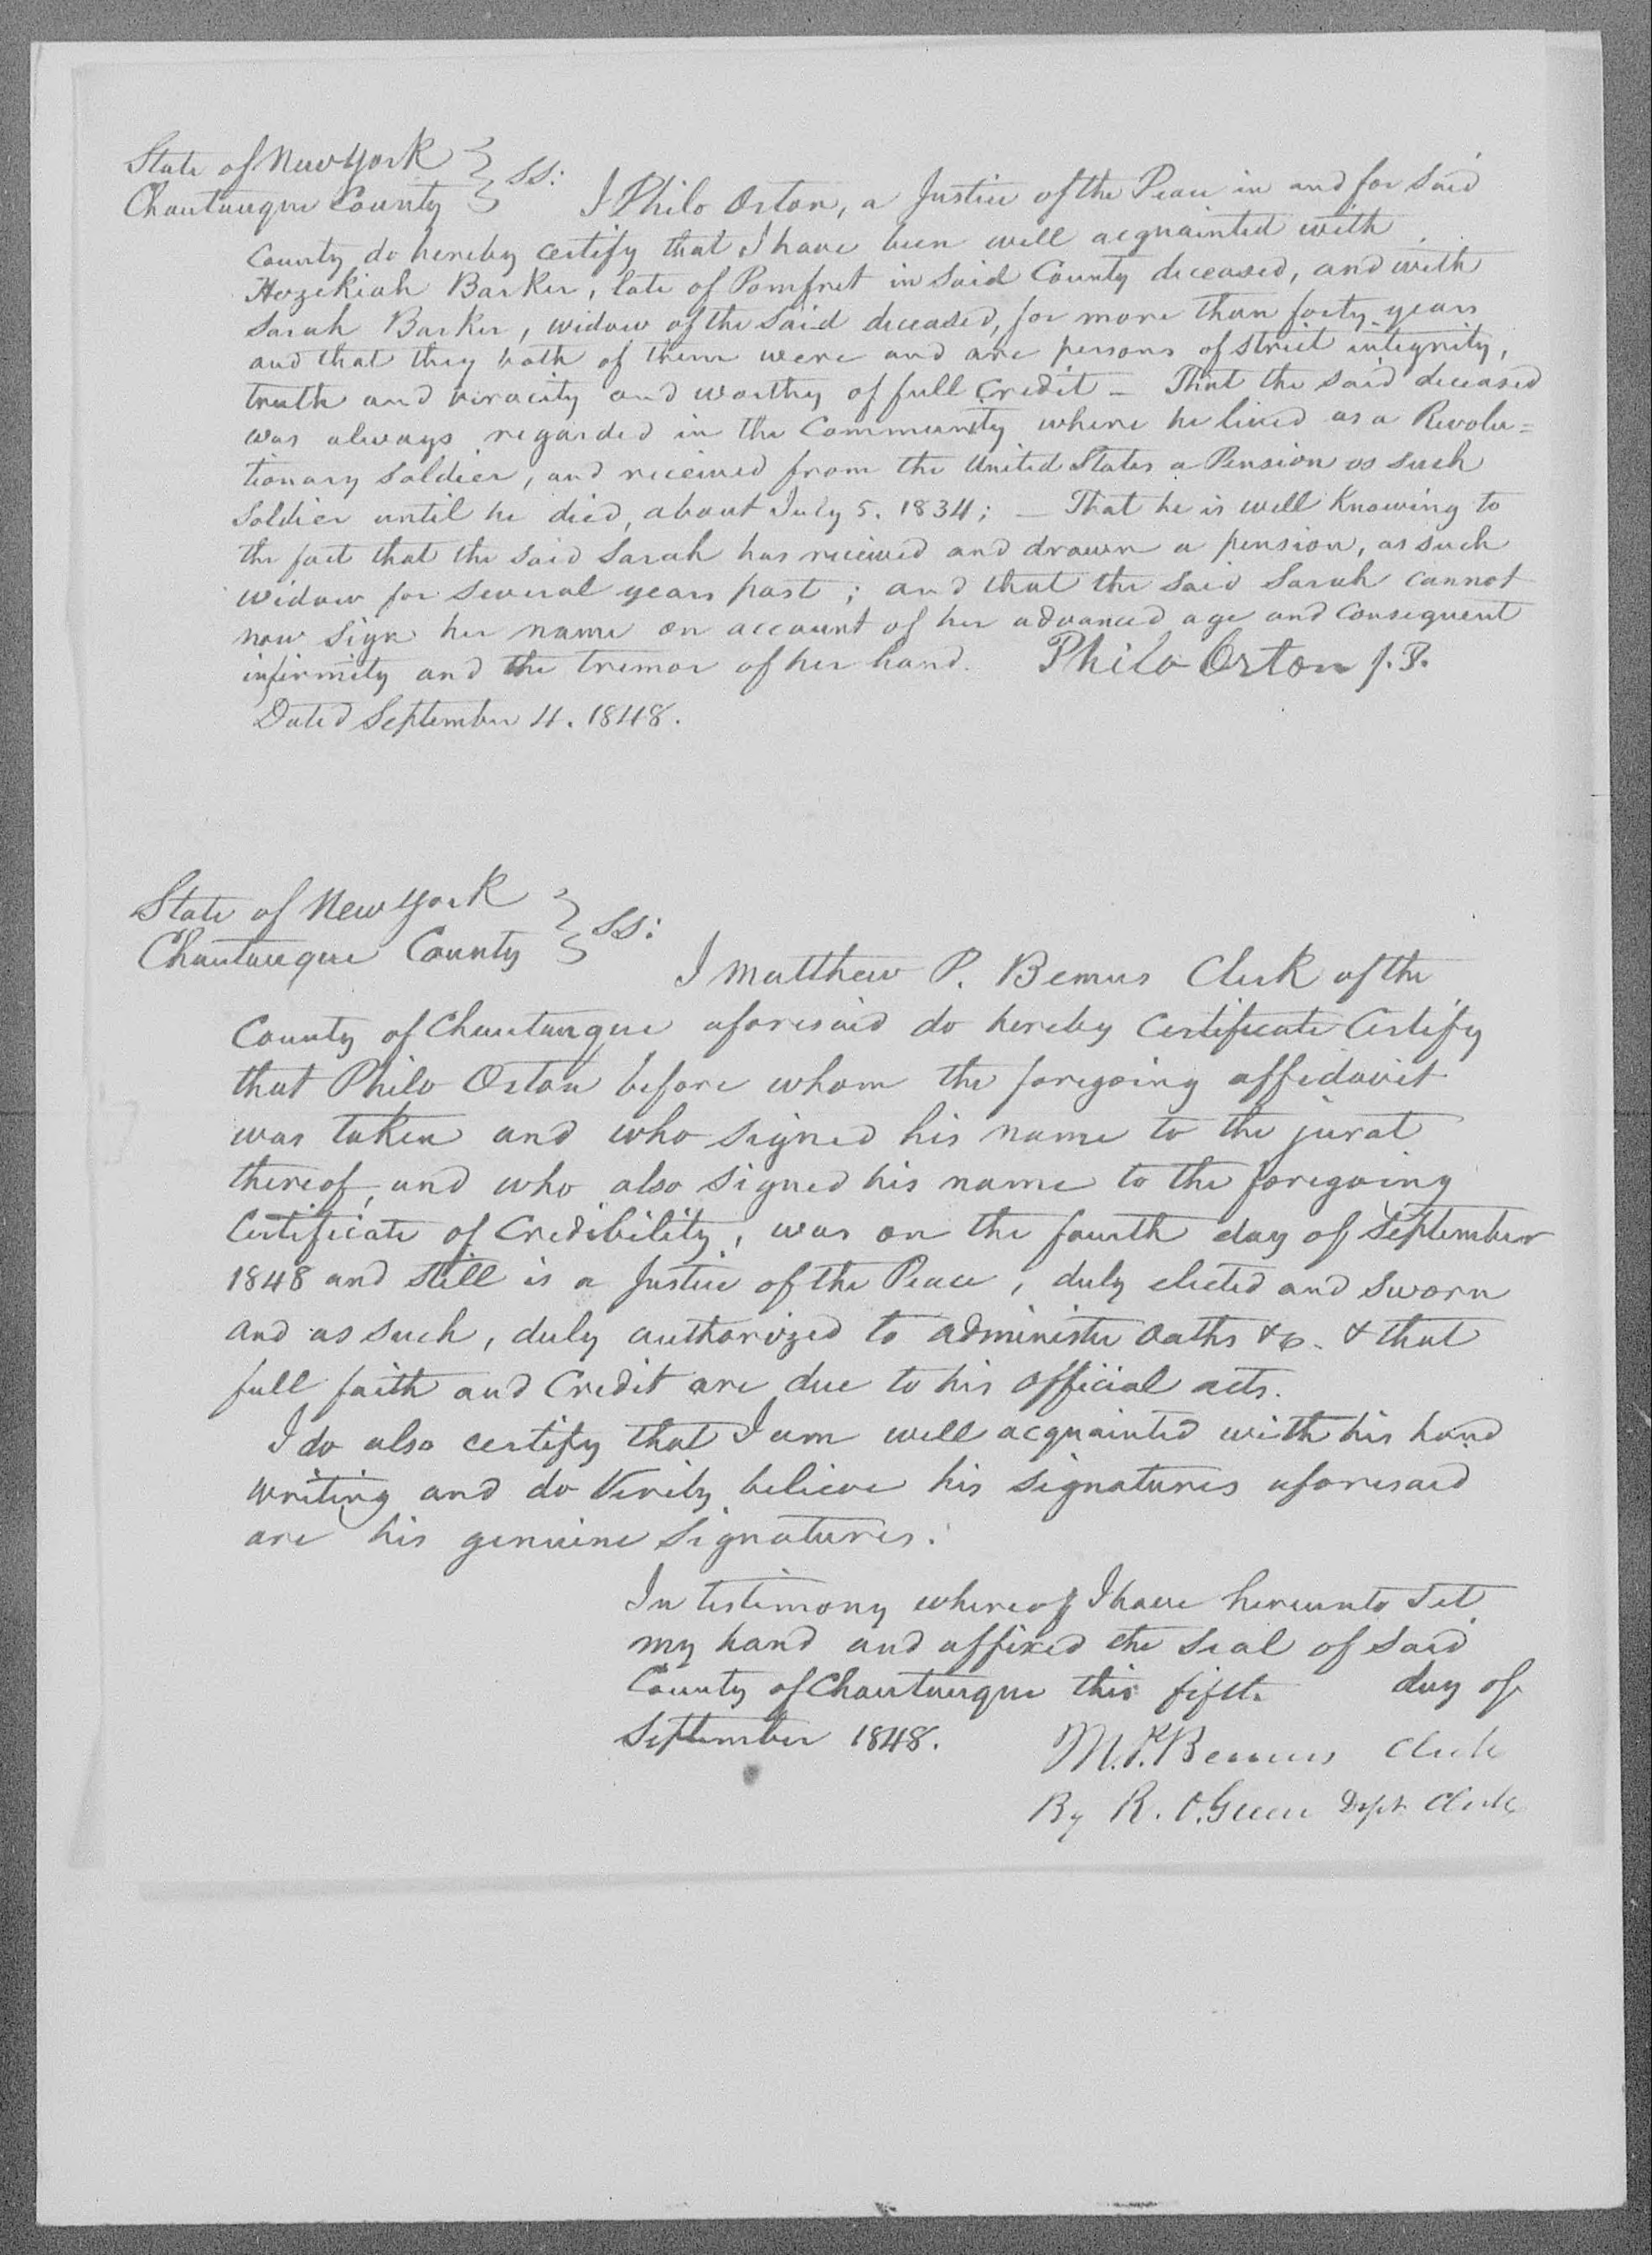State of New York Chautauqua County SS: I Philo Orton, a Justice of the Peace in and for said county do hereby certify that I have been well acquainted with Hezekiah Barker, late of Pomfret in said County deceased, and with Sarah Barker, widow of the said deceased, for more than forty years and that they both of them were and are persons of strict integrity, truth and veracity and worthy of full credit. That the said deceased was always regarded in the community where he lived as a Revolutionary Soldier, and received from the United States a Pension as such Soldier until he died, about July 5, 1834; That he is well knowing to the facts that the said Sarah has received and drawn a pension, as such widow for several years past; and that the said Sarah cannot now sign her name on account of her advanced age and consequent infirmity and the tremor of her hand Philo Orton J.P. Dated September 4, 1848.
State of New York Chautauqua County SS: I Matthew P. Bemus Clerk of the County of Chautauqua aforesaid do hereby certify that Philo Orton before whom the foregoing affidavit was taken and who signed him name to the jurat thereof and who also signed his name to the foregoing certificate of credibility, was on the fourth day of September 1848 and still is a Justice of the Peace, duly elected and sworn and as such, duly authorized to administer oaths &c. & that full faith and credit are due to his official acts. I do also certify that I am well acquainted with his hand writing and do verily believe his signatures aforesaid are his genuine signatures. In testimony whereof I have hereunto set my hand and affixed the seal of said County of Chautauqua the fifth day of September 1848 M. P. Bemus Clerk by R. O. Green Dept. Clerk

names: Sarah Barker, Hezekiah Barker, Philo Orton, Sarah, M P Bemus, R O Green, Matthew P Bemus, Philo Orton, Sarah, Philo Orton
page: 49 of 52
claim: widow's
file: W. 18,565, Hezekiah Barker, Continental R.I.